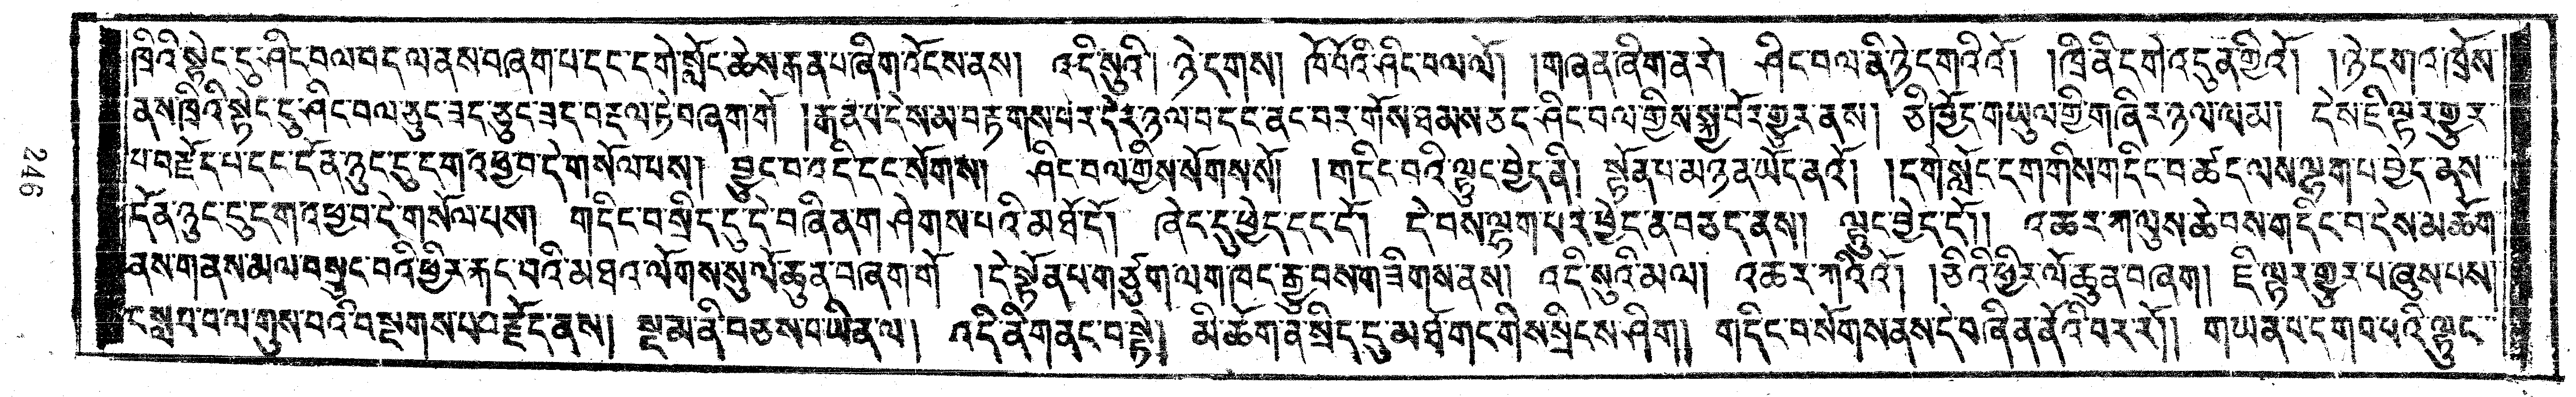ཁྲིའི་སྟེང་དུ་ཤིང་བལ་བདལ་ནས་བཞག་པ་དང་དགེ་སློང་ཆེས་རྒན་པ་ཞིག་འོངས་ནས། འདི་སུའི། ཉེ་དགས། ཁོ་བོའི་ཤིང་བལ་ལོ། །གཞན་ཞིག་ན་རེ། ཤིང་བལ་ནི་ཉེ་དགའིའོ། །ཁྲི་ནི་དགེ་འདུན་གྱིའོ། །ཉེ་དགའ་ཁྲོས་
ནས་ཁྲིའི་སྟེང་དུ་ཤིང་བལ་ཅུང་ཟད་ཅུང་ཟད་བརྡལ་ཏེ་བཞག་གོ །རྒན་པ་དེས་མ་བརྟགས་པར་དེར་ཉལ་བ་དང་ནང་བར་གོས་ཐམས་ཅད་ཤིང་བལ་གྱིས་སྐྱ་བོར་གྱུར་ནས། ཅི་ཁྱོད་གཡུལ་གྱི་གཞིར་ཉལ་ལམ། དེས་ཇི་ལྟར་གྱུར་
པ་བརྗོད་པ་དང་དོན་ཉུང་དུ་དག་འཕྱ་བ་དེ་གསོལ་པས། བྱུང་བ་འདི་དང་སོགས། ཤིང་བལ་གྱིས་སོགས་སོ། །གདིང་བའི་ལྟུང་བྱེད་ནི། སྟོན་པ་མཉན་ཡོད་ནའོ། །དགེ་སློང་དག་གིས་གདིང་བ་ཚད་ལས་ལྷག་པ་བྱེད་ནས་
དོན་ཉུང་དུ་དག་འཕྱ་བ་དེ་གསོལ་པས། གདིང་བ་སྲིད་དུ་དེ་བཞིན་གཤེགས་པའི་མཐོ་དོ། ཞེང་དུ་ཕྱེད་དང་དོ། དེ་བས་ལྷག་པར་ཕྱེད་ན་བཅད་ནས། ལྟུང་བྱེད་དོ།། འཆར་ཀ་ལུས་ཆེ་བས་གདིང་བ་དེས་མཆོག་
ནས་གནས་མལ་བསྲུང་བའི་ཕྱིར་རྐང་པའི་མཐའ་ལོགས་སུ་ལོ་ཆུན་བཞག་གོ །དེ་སྟོན་པ་གཙུག་ལག་ཁང་རྒྱུ་བས་གཟིགས་ནས། འདི་སུའི་མལ། འཆར་ཀའིའོ། །ཅིའི་ཕྱིར་ལོ་ཆུན་བཞག །ཇི་ལྟར་གྱུར་པ་ཞུས་པས།
བསླབ་བ་ལ་གུས་པའི་བསྔགས་པ་བརྗོད་ནས། སྔ་མ་ནི་བཅས་པ་ཡིན་ལ། འདི་ནི་གནང་བ་སྟེ། མི་ཆོག་ན་སྲིད་དུ་མཐོ་གང་གིས་སྲིངས་ཤིག། གདིང་བ་སོགས་ནས་དེ་བཞིན་ནོའི་བར་རོ། གཡན་པ་དགབ་པའི་ལྟུང་